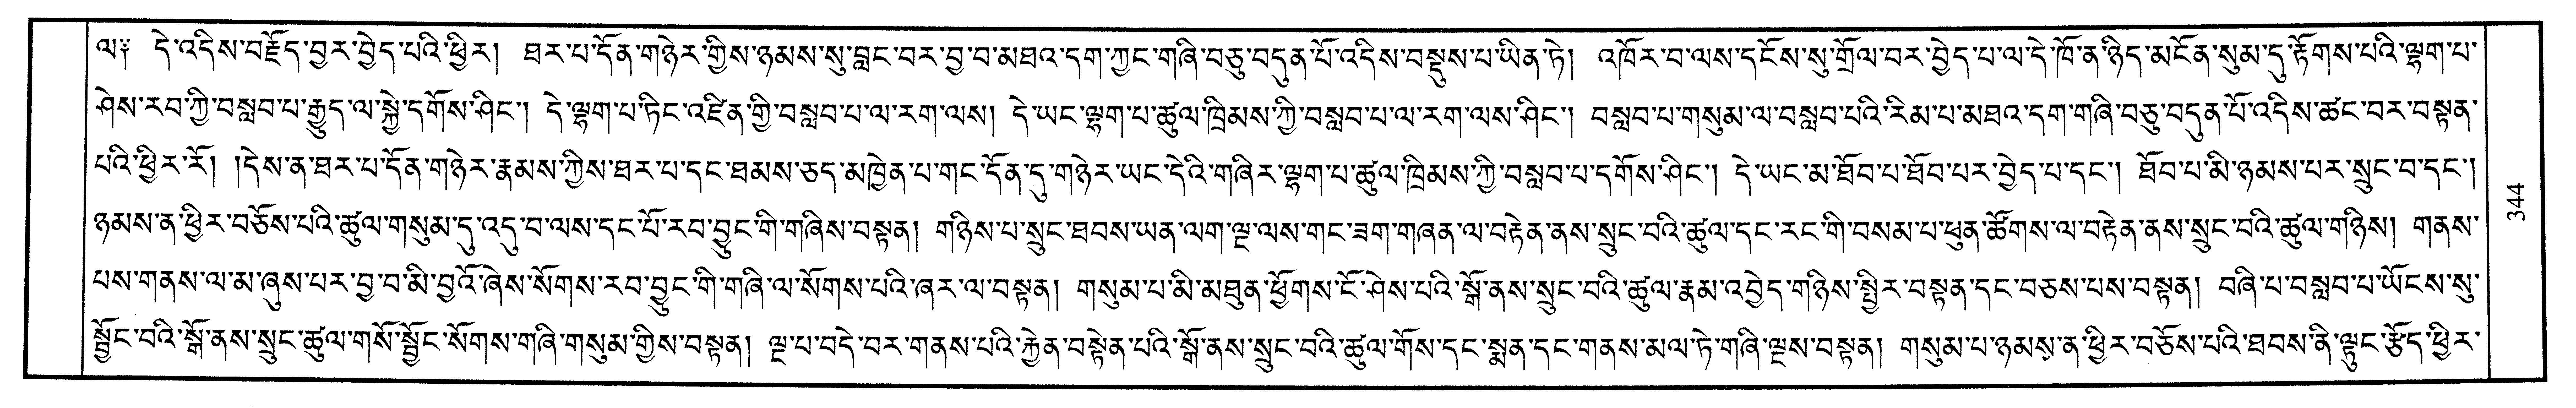ལ༑ དེ་འདིས་བརྗོད་བྱར་བྱེད་པའི་ཕྱིར། ཐར་པ་དོན་གཉེར་གྱིས་ཉམས་སུ་བླང་བར་བྱ་བ་མཐའ་དག་ཀྱང་གཞི་བཅུ་བདུན་པོ་འདིས་བསྡུས་པ་ཡིན་ཏེ། འཁོར་བ་ལས་དངོས་སུ་གྲོལ་བར་བྱེད་པ་ལ་དེ་ཁོ་ན་ཉིད་མངོན་སུམ་དུ་རྟོགས་པའི་ལྷག་པ་
ཤེས་རབ་ཀྱི་བསླབ་པ་རྒྱུད་ལ་སྐྱེ་དགོས་ཤིང་། དེ་ལྷག་པ་ཏིང་འཛིན་གྱི་བསླབ་པ་ལ་རག་ལས། དེ་ཡང་ལྷག་པ་ཚུལ་ཁྲིམས་ཀྱི་བསླབ་པ་ལ་རག་ལས་ཤིང་། བསླབ་པ་གསུམ་ལ་བསླབ་པའི་རིམ་པ་མཐའ་དག་གཞི་བཅུ་བདུན་པོ་འདིས་ཚང་བར་བསྟན་
པའི་ཕྱིར་རོ། །དེས་ན་ཐར་པ་དོན་གཉེར་རྣམས་ཀྱིས་ཐར་པ་དང་ཐམས་ཅད་མཁྱེན་པ་གང་དོན་དུ་གཉེར་ཡང་དེའི་གཞིར་ལྷག་པ་ཚུལ་ཁྲིམས་ཀྱི་བསླབ་པ་དགོས་ཤིང་། དེ་ཡང་མ་ཐོབ་པ་ཐོབ་པར་བྱེད་པ་དང་། ཐོབ་པ་མི་ཉམས་པར་སྲུང་བ་དང་།
ཉམས་ན་ཕྱིར་བཅོས་པའི་ཚུལ་གསུམ་དུ་འདུ་བ་ལས་དང་པོ་རབ་བྱུང་གི་གཞིས་བསྟན། གཉིས་པ་སྲུང་ཐབས་ཡན་ལག་ལྔ་ལས་གང་ཟག་གཞན་ལ་བརྟེན་ནས་སྲུང་བའི་ཚུལ་དང་རང་གི་བསམ་པ་ཕུན་ཚོགས་ལ་བརྟེན་ནས་སྲུང་བའི་ཚུལ་གཉིས། གནས་
པས་གནས་ལ་མ་ཞུས་པར་བྱ་བ་མི་བྱའོ་ཞེས་སོགས་རབ་བྱུང་གི་གཞི་ལ་སོགས་པའི་ཞར་ལ་བསྟན། གསུམ་པ་མི་མཐུན་ཕྱོགས་ངོ་ཤེས་པའི་སྒོ་ནས་སྲུང་བའི་ཚུལ་རྣམ་འབྱེད་གཉིས་སྤྱིར་བསྟན་དང་བཅས་པས་བསྟན། བཞི་པ་བསླབ་པ་ཡོངས་སུ་
སྦྱོང་བའི་སྒོ་ནས་སྲུང་ཚུལ་གསོ་སྦྱོང་སོགས་གཞི་གསུམ་གྱིས་བསྟན། ལྔ་པ་བདེ་བར་གནས་པའི་རྐྱེན་བསྟེན་པའི་སྒོ་ནས་སྲུང་བའི་ཚུལ་གོས་དང་སྨན་དང་གནས་མལ་ཏེ་གཞི་ལྔས་བསྟན། གསུམ་པ་ཉམས་ན་ཕྱིར་བཅོས་པའི་ཐབས་ནི་ལྟུང་རྩོད་ཕྱིར་